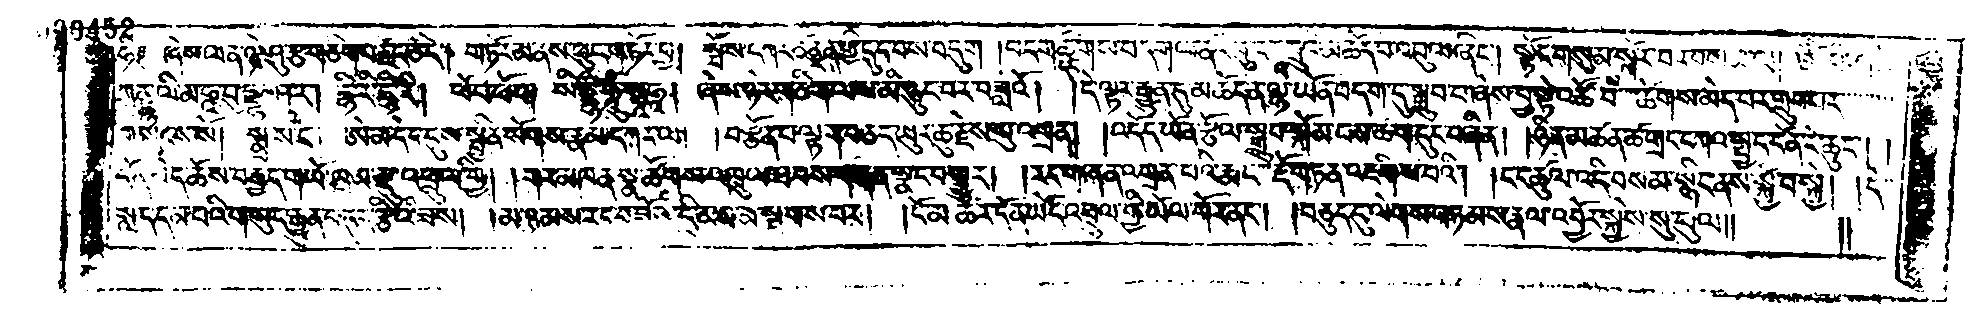ཧི། ཞེས་ལན་ཉི་ཤུ་རྩ་གཅིག་བརྗོད་ཅིང་། གཏོར་མ་ནས་ཕུང་གཏོར་བྱ། སྤོས་དཀར་ཙནྡན་གྱི་དུང་བས་བདུག །བདག་དང་ཚོགས་བདག་ལ་ནོར་བུ་དང་འབྲུའི་མཆོད་པ་འབུལ་ཞིང་། སྟོང་གསུམ་བསྐོར་བར་བསམ་ལ། ཨོཾ་པི་ཤ་ཙི་
ཀུནྡྷ་ལི་མཧཱ་བུདྡྷ་ཤཱ་ར། དྷི་རི་དྷི་རི། ཕོ་བ་ཕོ་བ། སིདྡྷི་ཧཱུཾ་སྭཱཧཱ། ཞེས་ཉེར་གཅིག་ལས་མི་ཉུང་བར་བཟླའོ། །དེ་ལྟར་རྒྱུན་དུ་མཆོད་ན་ལྷ་ཡོན་བདག་དུ་སྒྲུབ་པ་ཞེས་བྱ་སྟེ་འཚོ་བ་ཚོགས་མེད་པར་གྲུབ་པར་
གསུངས་སོ། སྨྲས་པ། ཨེ་མ་དེང་དུས་སྦྱིན་སོགས་རྣམ་དཀར་ལ། །བརྩོན་པ་ལྟག་བཅད་ཡུར་ཆུ་རྗེས་སུ་འགྲན། །འདོད་ཡོན་རྩོལ་སྒྲུབ་སྐོམ་པས་ཚ་གདུང་བཞིན། །ཉིན་མཚན་ཚ་གྲང་དཀའ་སྤྱད་དོན་རེ་ཆུང་། །
དོན་མེད་ཆོས་བརྒྱད་གཡོ་ཁྲམ་རྫུ་འཕྲུལ་གྱི། །གར་མཁན་སྣ་ཚོགས་འཁྲུལ་ཐབས་གཞན་སྣང་བསྒྱུར། །རང་གཞན་འགྲན་པའི་རྨང་རྡོ་གཏན་འཇིགས་པའི། །ངང་ཚུལ་འདི་བསམ་སྙིང་ནས་སྐྱོ་བ་སྐྱེ། །དེ་
སླད་དམ་པའི་གསུང་རྒྱུན་བདུད་རྩིའི་ཟས། །མ་ཉམས་རང་བཟོའི་དྲི་མས་མ་སྤགས་པར། །ངོ་མཚར་དོན་ཡོད་འཕྲུལ་གྱི་ཡོལ་ཀོར་ནང་། །བཅུད་དུ་ལེགས་བཏམས་རྣལ་འབྱོར་སྐྱེས་སུ་ཕུལ།། །།